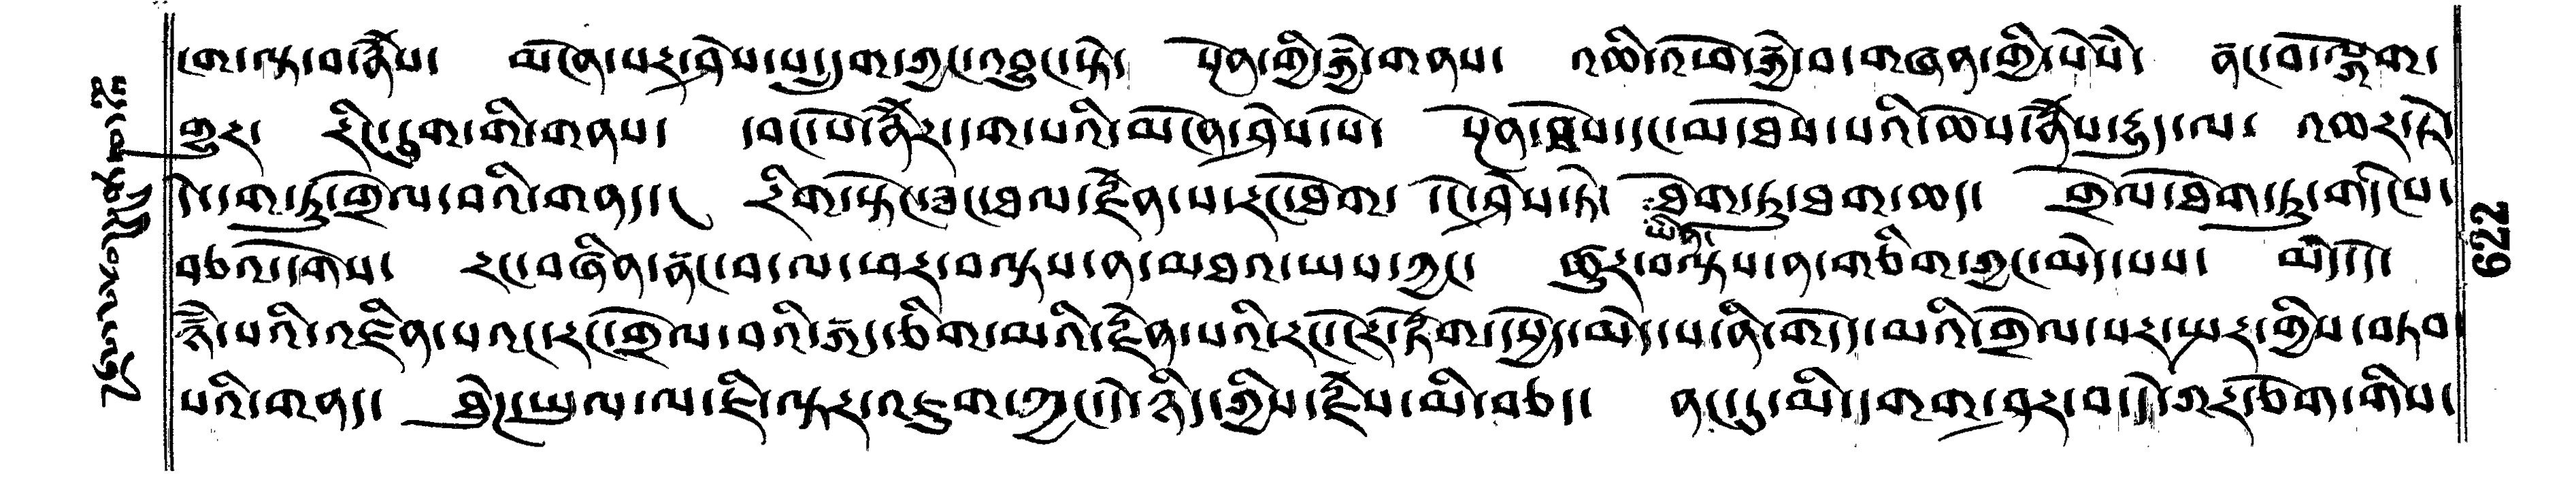ངག ལྟ་བ་རྣམས། མངོན་པར་ཤེས་པ་དྲུག་ཀྱང་འབྱུང་སྟེ། སྔོན་གྱི་སྐྱེ་གནས། འཆི་འཕོ་སྐྱེ་བ། གཞན་གྱི་སེམས། སྣང་བ་ལྐོག་
གྱུར། རིགས་དྲུག་གི་གནས། དབང་པོ་རྣམ་པར་དག་པའི་མངོན་ཤེས་སོ། སྔོན་ཐོས་དང་མ་ཐོས་པའི་ཆོས་རྣམས་རྒྱུད་ལ། འཆར་ཏེ་
དེ་དག་ཏུ་གྲོལ་བའི་གནད། རིག་སྟོང་ཟང་ཐལ་རྗེན་པ་རང་ཐོག དང་པོ་ཤེས་ཏེ། ཡིན་ཐོག་ཏུ་ཐག་ཆད། གྲོལ་ཐོག་ཏུ་གདིང་
བཅའ་དགོས། རང་བཞིན་སྣང་བ་ལ་ཕར་བལྟས་ན་མཐའ་ཡས་ཀྱང་། ཚུར་བལྟས་ན་གཅིག་ཀྱང་མེད་པས། མེད་དོ་
སྙམ་པའི་འཛིན་པའང་རང་གྲོལ་བའི་སྐད་ཅིག་མའི་རྗེན་པའི་རང་ངོར་རྟོག་དཔྱོད་མེད་པ་ནི་གདོད་མའི་གྲོལ་སར་སྤར་གྱིས་བཏབ་
པའི་གནད། ཐུགས་རྗེ་ཡུལ་ལ་ཇི་ལྟར་འཇུག་ཀྱང་དེ་ཉིད་ཀྱི་རྗེས་མི་བཅད། ནང་དུ་མི་དགག ཤར་བ་དེ་ཀར་ཅོག་གིས་